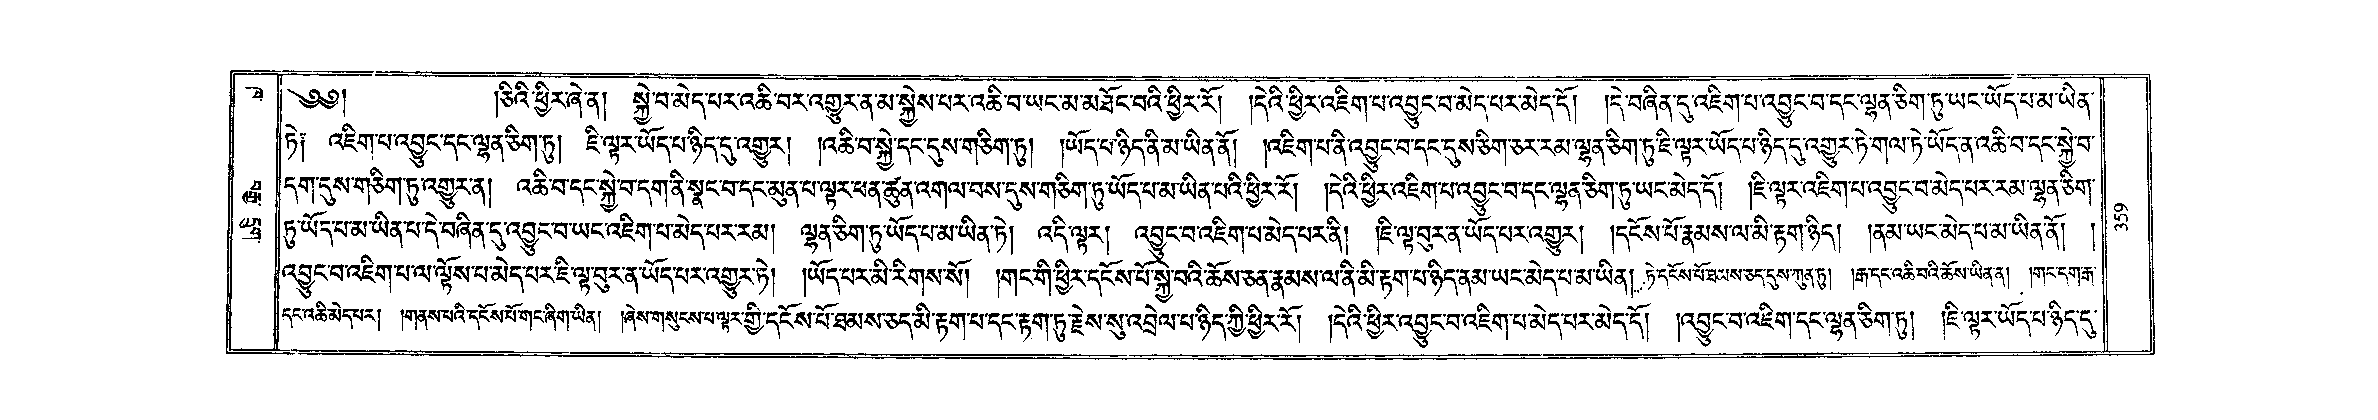༄༅། །ཅིའི་ཕྱིར་ཞེ་ན། སྐྱེ་བ་མེད་པར་འཆི་བར་འགྱུར་ན་མ་སྐྱེས་པར་འཆི་བ་ཡང་མ་མཐོང་བའི་ཕྱིར་རོ། །དེའི་ཕྱིར་འཇིག་པ་འབྱུང་བ་མེད་པར་མེད་དོ། །དེ་བཞིན་དུ་འཇིག་པ་འབྱུང་བ་དང་ལྷན་ཅིག་ཏུ་ཡང་ཡོད་པ་མ་ཡིན་
ཏེ༑ འཇིག་པ་འབྱུང་དང་ལྷན་ཅིག་ཏུ། ཇི་ལྟར་ཡོད་པ་ཉིད་དུ་འགྱུར། །འཆི་བ་སྐྱེ་དང་དུས་གཅིག་ཏུ། །ཡོད་པ་ཉིད་ནི་མ་ཡིན་ནོ། །འཇིག་པ་ནི་འབྱུང་བ་དང་དུས་ཅིག་ཅར་རིམ་ལྷན་ཅིག་ཏུ་ཇི་ལྟར་ཡོད་པ་ཉིད་དུ་འགྱུར་ཏེ་གལ་ཏེ་ཡོད་ན་འཆི་བ་དང་སྐྱེ་བ་
དག་དུས་གཅིག་ཏུ་འགྱུར་ན། འཆི་བ་དང་སྐྱེ་བ་དག་ནི་སྣང་བ་དང་མུན་པ་ལྟར་ཕན་ཚུན་འགལ་བས་དུས་གཅིག་ཏུ་ཡོད་པ་མ་ཡིན་པའི་ཕྱིར་རོ། །དེའི་ཕྱིར་འཇིག་པ་འབྱུང་བ་དང་ལྷན་ཅིག་ཏུ་ཡང་མེད་དོ། །ཇི་ལྟར་འཇིག་པ་འབྱུང་བ་མེད་པར་རམ་ལྷན་ཅིག་
ཏུ་ཡོད་པ་མ་ཡིན་པ་དེ་བཞིན་དུ་འབྱུང་བ་ཡང་འཇིག་པ་མེད་པར་རམ། ལྷན་ཅིག་ཏུ་ཡོད་པ་མ་ཡིན་ཏེ། འདི་ལྟར། འབྱུང་བ་འཇིག་པ་མེད་པར་ནི། །ཇི་ལྟ་བུར་ན་ཡོད་པར་འགྱུར། །དངོས་པོ་རྣམས་ལ་མི་རྟག་ཉིད། །ནམ་ཡང་མེད་པ་མ་ཡིན་ནོ། །
འབྱུང་བ་འཇིག་པ་ལ་ལྟོས་པ་མེད་པར་ཇི་ལྟ་བུར་ན་ཡོད་པར་འགྱུར་ཏེ། །ཡོད་པར་མི་རིགས་སོ། །གང་གི་ཕྱིར་དངོས་པོ་སྐྱེ་བའི་ཆོས་ཅན་རྣམས་ལ་ནི་མི་རྟག་པ་ཉིད་ནམ་ཡང་མེད་པ་མ་ཡིན། ཏེ་དངོས་པོ་ཐམས་ཅད་དུས་ཀུན་ཏུ། །རྒ་དང་འཆི་བའི་ཆོས་ཡིན་ན། །གང་དག་རྒ་
དང་འཆི་མེད་པར། །གནས་པའི་དངོས་པོ་གང་ཞིག་ཡིན། །ཞེས་གསུངས་པ་ལྟར་གྱི་དངོས་པོ་ཐམས་ཅད་མི་རྟག་པ་དང་རྟག་ཏུ་རྗེས་སུ་འབྲེལ་བ་ཉིད་ཀྱི་ཕྱིར་རོ། །དེའི་ཕྱིར་འབྱུང་བ་འཇིག་པ་མེད་པར་མེད་དོ། །འབྱུང་བ་འཇིག་དང་ལྷན་ཅིག་ཏུ། །ཇི་ལྟར་ཡོད་པ་ཉིད་དུ་